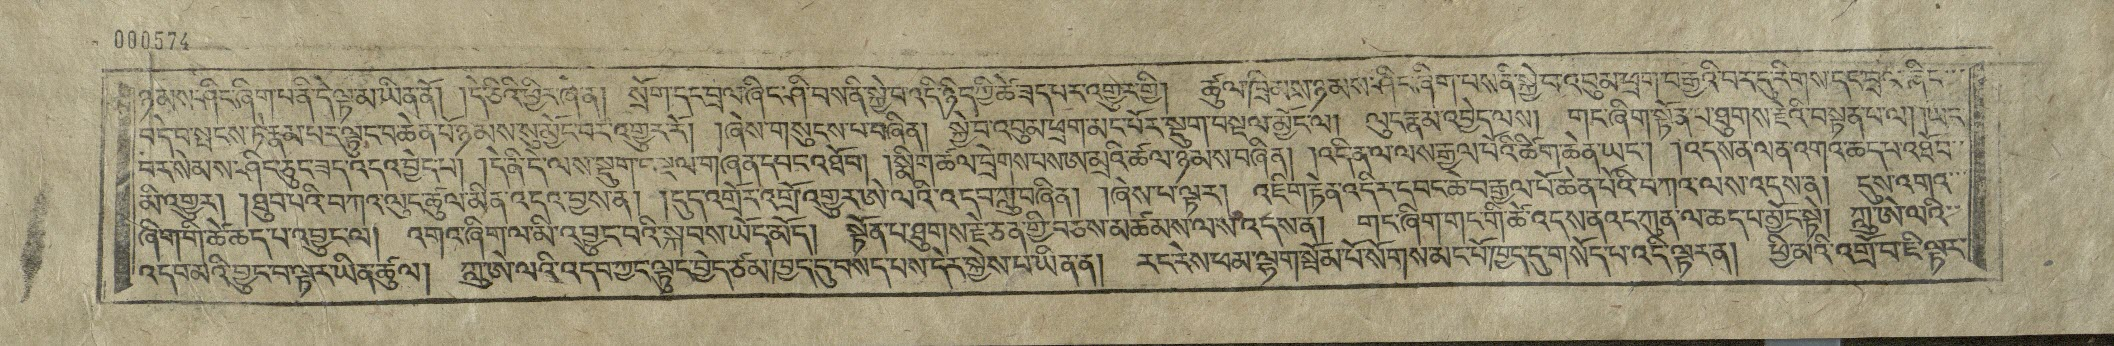ཉམས་ཤིང་ཞིག་པ་ནི་དེ་ལྟ་མ་ཡིན་ནོ། །དེ་ཅིའི་ཕྱིར་ཞེ་ན། སྲོག་དང་བྲལ་ཞིང་ཤི་བས་ནི་སྐྱེ་བ་འདི་ཉིད་ཀྱི་ཚེ་ཟད་པར་འགྱུར་གྱི། ཚུལ་ཁྲིམས་ཉམས་ཤིང་ཞིག་པས་ནི་སྐྱེ་བ་འབུམ་ཕྲག་བརྒྱའི་བར་དུ་རིགས་དང་བྲལ་ཞིང་
བདེ་བ་སྤངས་ཏེ་རྣམ་པར་ལྟུང་བ་ཆེན་པོ་ཉམས་སུ་མྱོང་བར་འགྱུར་རོ། །ཞེས་གསུངས་པ་བཞིན། སྐྱེ་བ་འབུམ་ཕྲག་མང་པོར་སྡུག་བསྔལ་མྱོང་ལ། ལུང་མ་རྣམ་འབྱེད་ལས། གང་ཞིག་སྟོན་པ་ཐུགས་རྗེའི་བསྟན་པ་ལ། །ཡང་
བར་སེམས་ཤིང་ཅུང་ཟད་འདའ་བྱེད་པ། །དེ་ནི་དེ་ལས་སྡུག་བསྔལ་གཞན་དབང་འཐོབ། །སྨིག་ཚལ་བྲེགས་པས་ཨ་མྲའི་ཚལ་ཉམས་བཞིན། །འདི་ན་ལ་ལས་རྒྱལ་པོའི་ཚིག་ཆེན་ཡང་། །འདས་ན་ལན་འགའ་ཆད་པ་འཐོབ་
མི་འགྱུར། །ཐུབ་པའི་བཀའ་ལུང་ཚུལ་མིན་འདའ་བྱས་ན། །དུད་འགྲོར་འགྲོ་འགྱུར་ཨེ་ལའི་འདབ་ཀླུ་བཞིན། །ཞེས་པ་ལྟར། འཇིག་རྟེན་འདིར་དབང་ཆེ་བ་རྒྱལ་པོ་ཆེན་པོའི་བཀའ་ལས་འདས་ན། དུས་འགའ་
ཞིག་གི་ཚེ་ཆད་པ་འབྱུང་ལ། འགའ་ཞིག་ལ་མི་འབྱུང་བའི་སྐབས་ཡོད་མོད། སྟོན་པ་ཐུགས་རྗེ་ཅན་གྱི་བཅས་མཚམས་ལས་འདས་ན། གང་ཞིག་གང་གི་ཚེ་འདས་ནའང་ཀུན་ལ་ཆད་པ་མྱོང་སྟེ། ཀླུ་ཨེ་ལའི་
འདབ་མའི་བྱུང་བ་ལྟར་ཡིན་ཚུལ། ཀླུ་ཨེ་ལའི་འདབ་ཀྱང་ལྟུང་བྱེད་ཙམ་ཁྱད་དུ་བསད་པས་དེར་སྐྱེས་པ་ཡིན་ན། རང་རེས་ཕམ་ལྷག་སྦོམ་པོ་སོགས་མང་པོ་ཁྱད་དུ་གསོད་པ་འདི་ལྟར་ན། ཕྱི་མའི་འགྲོ་བ་ཇི་ལྟར་